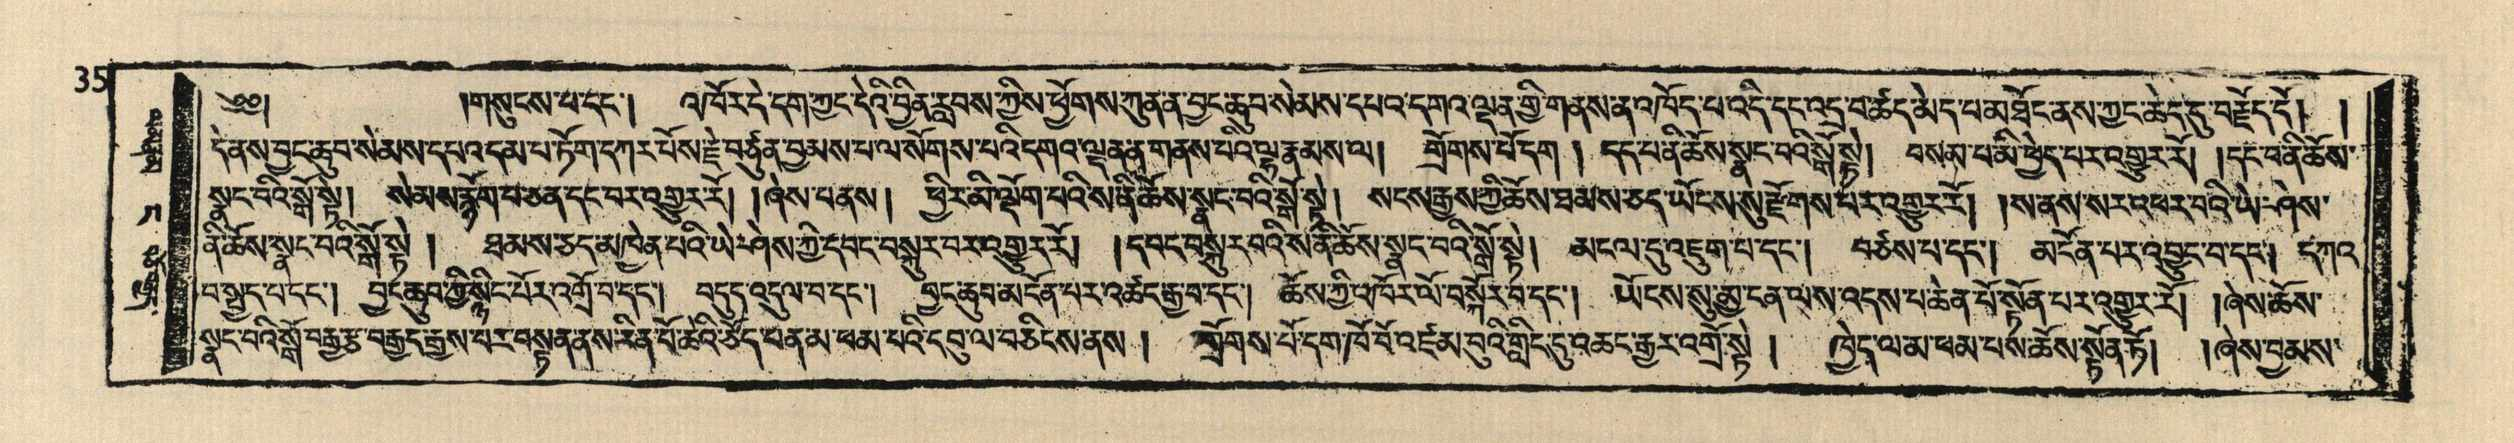༄༅། །གསུངས་པ་དང་། འཁོར་དེ་དག་ཀྱང་དེའི་བྱིན་རླབས་ཀྱིས་ཕྱོགས་ཀུན་ན་བྱང་ཆུབ་སེམས་དཔའ་དགའ་ལྡན་གྱི་གནས་ན་འཁོད་པ་འདི་དང་འདྲ་བ་ཚད་མེད་པ་མཐོང་ནས་ཀྱང་ཆེད་དུ་བརྗོད་དོ། །
དེ་ནས་བྱང་ཆུབ་སེམས་དཔའ་དམ་པ་ཏོག་དཀར་པོས་རྗེ་བཙུན་བྱམས་པ་ལ་སོགས་པའི་དགའ་ལྡན་ན་གནས་པའི་ལྷ་རྣམས་ལ། གྲོགས་པོ་དག། དད་པ་ནི་ཆོས་སྣང་བའི་སྒོ་སྟེ། བསམ་པ་མི་ཕྱེད་པར་འགྱུར་རོ། །དང་བ་ནི་ཆོས་
སྣང་བའི་སྒོ་སྟེ། སེམས་རྙོག་བ་ཅན་དང་བར་འགྱུར་རོ། །ཞེས་པ་ནས། ཕྱིར་མི་ལྡོག་པའི་ས་ནི་ཆོས་སྣང་བའི་སྒོ་སྟེ། སངས་རྒྱས་ཀྱི་ཆོས་ཐམས་ཅད་ཡོངས་སུ་རྫོགས་པར་འགྱུར་རོ། །ས་ནས་སར་འཕར་བའི་ཡེ་ཤེས་
ནི་ཆོས་སྣང་བའི་སྒོ་སྟེ། ཐམས་ཅད་མཁྱེན་པའི་ཡེ་ཤེས་ཀྱི་དབང་བསྐུར་བར་འགྱུར་རོ། །དབང་བསྐུར་བའི་ས་ནི་ཆོས་སྣང་བའི་སྒོ་སྟེ། མངལ་དུ་འཇུག་པ་དང་། བཙས་པ་དང་། མངོན་པར་འབྱུང་བ་དང་། དཀའ་
བ་སྤྱད་པ་དང་། བྱང་ཆུབ་ཀྱི་སྙིང་པོར་འགྲོ་བ་དང་། བདུད་འདུལ་བ་དང་། བྱང་ཆུབ་མངོན་པར་འཚང་རྒྱ་བ་དང་། ཆོས་ཀྱི་འཁོར་ལོ་བསྐོར་བ་དང་། ཡོངས་སུ་མྱ་ངན་ལས་འདས་པ་ཆེན་པོ་སྟོན་པར་འགྱུར་རོ། །ཞེས་ཆོས་
སྣང་བའི་སྒོ་བརྒྱ་རྩ་བརྒྱད་རྒྱས་པར་བསྟན་ནས་རིན་པོ་ཆེའི་ཅོད་པན་མ་ཕམ་པའི་དབུ་ལ་བཅིངས་ནས། གྲོགས་པོ་དག་ཁོ་བོ་འཛམ་བུའི་གླིང་དུ་འཆང་རྒྱར་འགྲོ་སྟེ། ཁྱེད་ལ་མ་ཕམ་པས་ཆོས་སྟོན་ཏོ། །ཞེས་བྱམས་